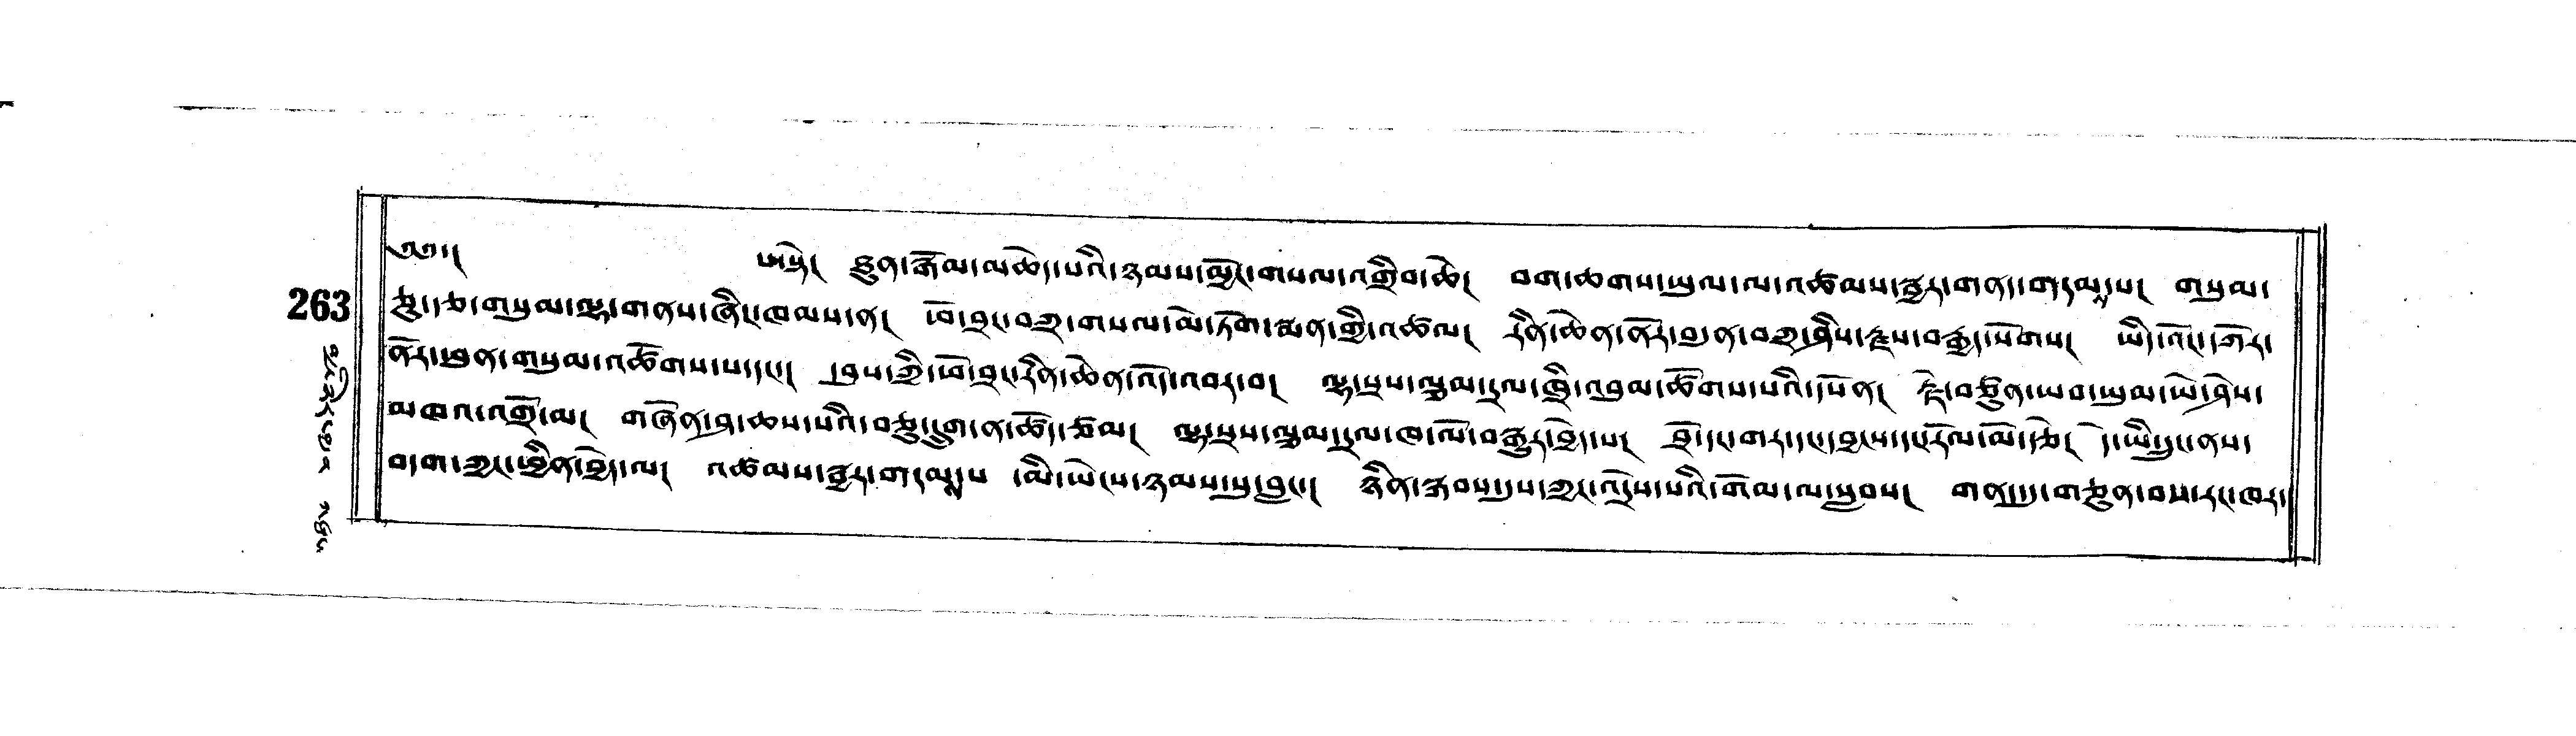པ་སྟེ། ཐུན་སྒོམ་མཆེད་པའི་ཉམས་མྱོང་གསལ་འགྲིབ་ཆེ། བག་ཆགས་ཡུལ་ལ་མཚམས་སྦྱར་གནད་གདམས་པ། སུམ་
ཅུ་རྩ་གསུམ་ལྷ་གནས་ཞིང་ཁམས་ན། ཕོ་བྲང་བཀྲ་གསལ་མེ་ཏོག་སྨན་གྱི་ཚལ། རིན་ཆེན་ནོར་བདུན་བཀྲ་ཤིས་རྫས་བརྒྱད་སོགས། ཡིད་འོང་དཀོར་
ནོར་ཕུན་སུམ་ཚོགས་པ་དང་། དབུས་ཀྱི་ཕོ་བྲང་རིན་ཆེན་འོད་འབར་བ། ལྷ་སྲས་ལྕམ་དྲལ་ཁྲི་འབུམ་ཚོགས་པའི་དཔོན། རྗེ་བཙུན་ཡབ་ཡུམ་ཡེ་ཤེས་
མཁའ་འགྲོ་མ། གཞོན་ཤ་ཆས་པའི་བཅུ་དྲུག་ན་ཚོད་ཙམ། ལྷ་སྲས་ལྕམ་དྲལ་ཁ་ལོ་སྒྱུར་བྱེད་པ། བྲོ་དང་གར་དང་དབྱངས་དང་རོལ་མོ་རྩེ། དེ་ཡི་དྲུང་ནས་
བདག་ཀྱང་ཕྱིན་བྱེད་ལ། མཚམས་སྦྱར་གདམས་པ་མི་ཡེངས་ཉམས་སུ་བླང་། ཉིན་སྐབས་དུས་ཀྱང་འདྲེས་པའི་གོམས་ལ་བསླབ། གནད་དུ་གཅུན་པས་རང་ཁར་